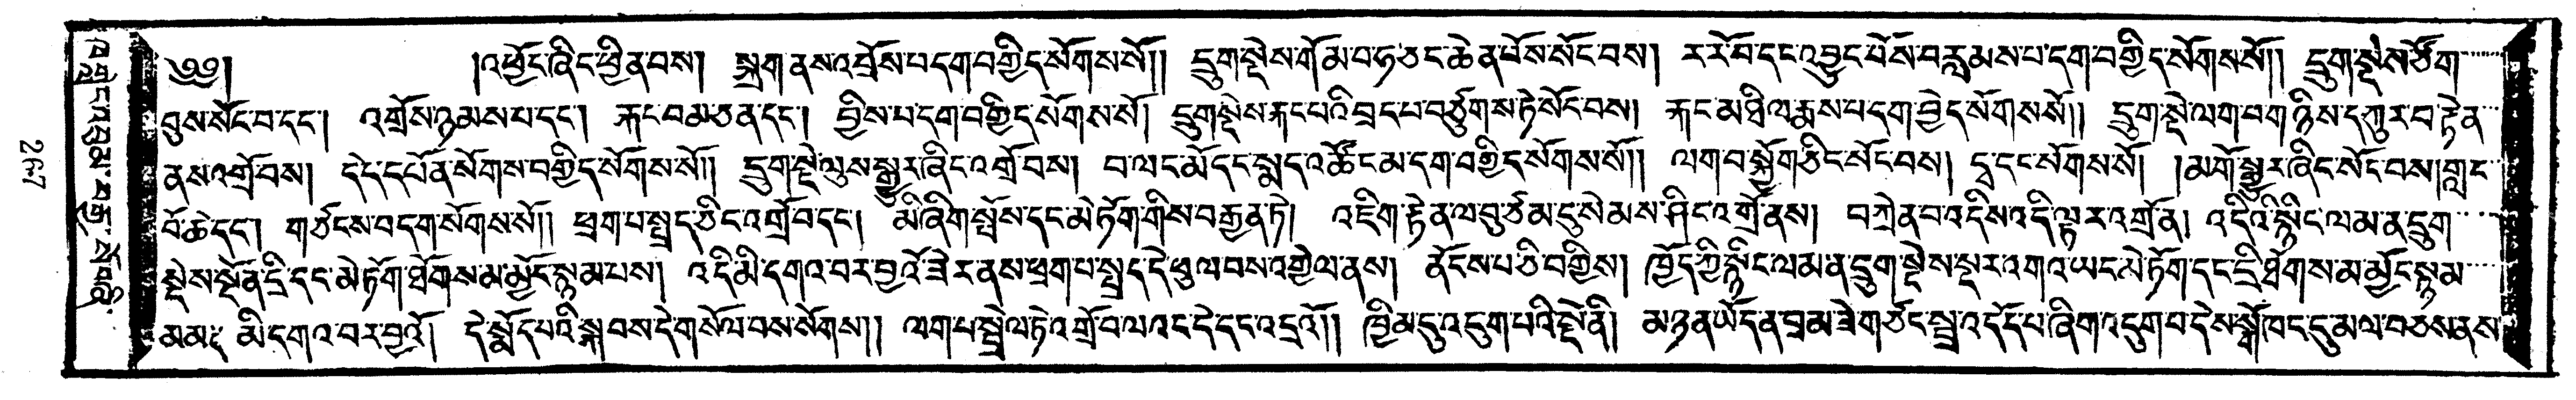༄༅། །འཕྱོང་ཞིང་ཕྱིན་པས། སྐྲག་ནས་འབྲོས་པ་དག་བགྱིད་སོགས་སོ།། དྲུག་སྡེས་གོམ་པ་ཧ་ཅང་ཆེན་པོས་སོང་བས། ར་རོ་བ་དང་འབྱུང་པོས་བརླམས་པ་དག་བགྱིད་སོགས་སོ།། དྲུག་སྡེས་ཙོག་
བུས་སོང་བ་དང་། འགྲོས་ཉམས་པ་དང་། རྐང་བམ་ཅན་དང་། བྱིས་པ་དག་བགྱིད་སོགས་སོ། དྲུག་སྡེས་རྐང་པའི་བྲང་པ་བཙུགས་ཏེ་སོང་བས། རྐང་མཐིལ་རྨས་པ་དག་བྱེད་སོགས་སོ།། དྲུག་སྡེ་ལག་པ་གཉིས་དཀུར་བ་རྟེན་
ནས་འགྲོ་བས། དེད་དཔོན་སོགས་བགྱིད་སོགས་སོ།། དྲུག་སྡེ་ལུས་སྒྱུར་ཞིང་འགྲོ་བས། བ་ལང་མོ་དང་སྨད་འཚོང་མ་དག་བགྱིད་སོགས་སོ།། ལག་བ་སྐྱོག་ཅིང་སོང་བས། དྭ་དང་སོགས་སོ། །མགོ་སྒྱུར་ཞིང་སོང་བས། གླང་
བོ་ཆེ་དང་། གཙངས་བདག་སོགས་སོ།། ཕྲག་པ་སྤྲད་ཅིང་འགྲོ་བ་དང་། མི་ཞིག་སྤོས་དང་མེ་ཏོག་གིས་བརྒྱན་ཏེ། འཇིག་རྟེན་ལ་བུ་ཙམ་དུ་སེམས་ཤིང་འགྲོ་ནས། བཀྲེན་བ་འདིས་འདི་ལྟར་འགྲོ་ན། འདིའི་སྙིང་ལམ་ན་དྲུག་
སྡེས་སྔོན་དྲི་དང་མེ་ཏོག་ཐོགས་མ་མྱོང་སྙམ་པས། འདི་མི་དགའ་བར་བྱའོ་ཟེར་ནས་ཕྲག་པ་སྤྲད་དེ་ཕུལ་བས་འགྱེལ་ནས། ནོངས་པ་ཅི་བགྱིས། ཁྱོད་ཀྱི་སྙིང་ལམ་ན་དྲུག་སྡེས་སྔར་འགའ་ཡང་མེ་ཏོག་དང་དྲི་ཐོགས་མ་མྱོང་སྙམ་
མམ༑ མི་དགའ་བར་བྱའོ། དེ་སྨོད་པའི་སྐབས་དེ་གསོལ་བས་སོགས།། ལག་པ་སྤྲེལ་ཏེ་འགྲོ་བ་ལའང་དེ་དང་འདྲའོ།། ཁྱིམ་དུ་འདུག་པའི་སྡེ་ནི། མཉན་ཡོད་ན་བྲམ་ཟེ་གཙང་སྦྲ་འདོད་པ་ཞིག་འདུག་པ་དེས་སྒོ་ཁང་དུ་མལ་བཅས་ནས་